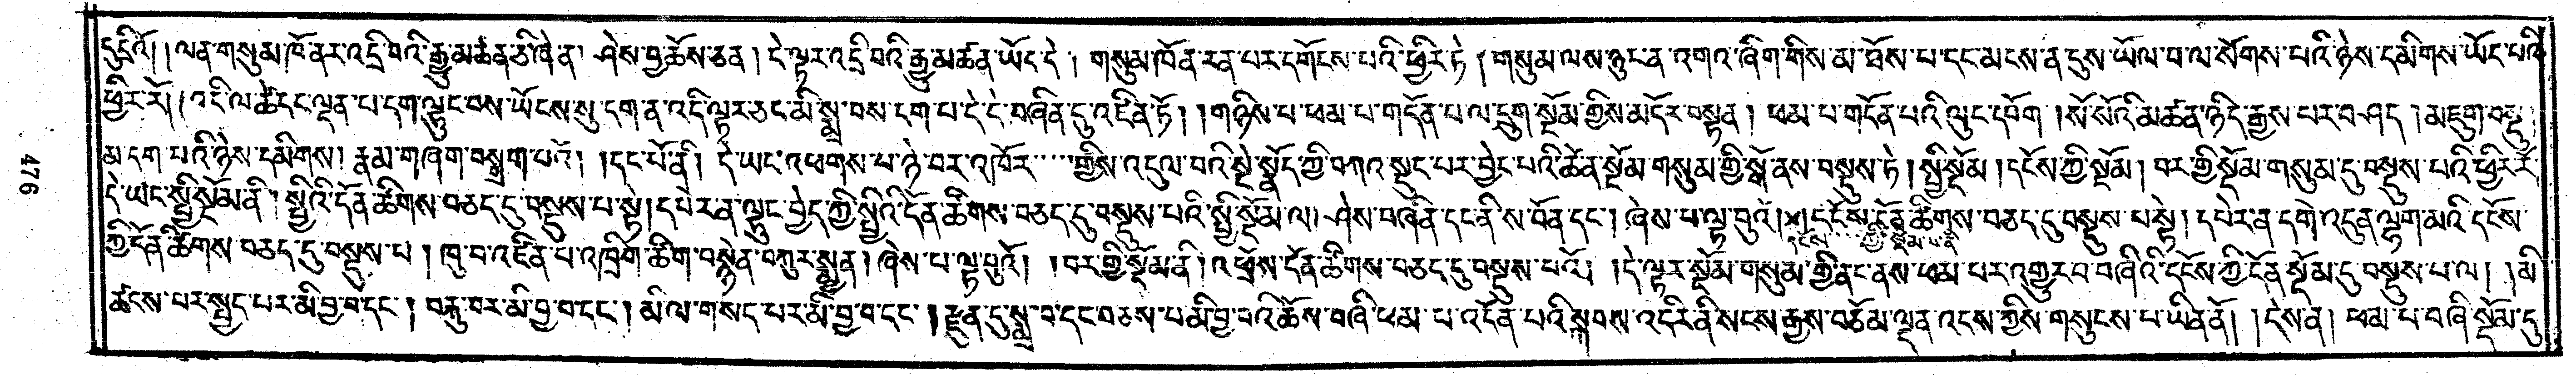དུ་དྲིའོ། །ལན་གསུམ་ཁོ་ནར་འདྲི་བའི་རྒྱུ་མཚན་ཅི་ཞེ་ན། ཤེས་བྱ་ཆོས་ཅན། དེ་ལྟར་འདྲི་བའི་རྒྱུ་མཚན་ཡོད་དེ། གསུམ་ཁོ་ན་རན་པར་དགོངས་པའི་ཕྱིར་ཏེ། གསུམ་ལས་ཉུང་ན་འགའ་ཞིག་གིས་མ་ཐོས་པ་དང་མངས་ན་དུས་ཡོལ་བ་ལ་སོགས་པའི་ཉེས་དམིགས་ཡོང་པའི་
ཕྱིར་རོ། །འདི་ལ་ཚེ་དང་ལྡན་པ་དག་ལྟུང་བས་ཡོངས་སུ་དག་ན་འདི་ལྟར་ཅང་མི་སྨྲ་བས་དག་པ་དེ་དེ་བཞིན་དུ་འཛིན་ཏོ། །གཉིས་པ་ཕམ་པ་གདོན་པ་ལ་དྲུག་སྔོམ་གྱིས་མདོར་བསྟན། ཕམ་པ་གདོན་པའི་ལུང་དབོག །སོ་སོའི་མཚན་ཉིད་རྒྱས་པར་བཤད་།མཇུག་བསྡུ་
མ་དག་པའི་ཉེས་དམིགས། རྣམ་གཞག་བསྒྲག་པའོ། །དང་པོ་ནི། དེ་ཡང་འཕགས་པ་ཉེ་བར་འཁོར་གྱིས་འདུལ་བའི་སྔེ་སྣོད་ཀྱི་བཀའ་སྡུང་པར་བྱེད་པའི་ཚེ་ན་སྔོམ་གསུམ་གྱི་སྒོ་ནས་བསྡུས་ཏེ། སྤྱི་སྔོམ་།དངོས་ཀྱི་སྔོམ། བར་གྱི་སྡོམ་གསུམ་དུ་བསྡུས་པའི་ཕྱིར་རོ་
དེ་ཡང་སྤྱི་སྔོམ་ནི། སྤྱིའི་དོན་ཚིགས་བཅད་དུ་བསྡུས་པ་སྟེ། དཔེར་ན་ལྟུང་བྱེད་ཀྱི་སྤྱིའི་དོན་ཚིགས་བཅད་དུ་བསྡུས་པའི་སྤྱི་སྡོམ་ལ། ཤེས་བཞིན་དང་ནི་ས་བོན་དང་། ཞེས་པ་ལྟ་བུའོ། དངོས་ཀྱི་སྡོམ་པ་ནི། དངོས་དོན་ཚིགས་བཅད་དུ་བསྡུས་པ་སྟེ། དཔེར་ན་དགེ་འདུན་ལྷག་མའི་དངོས་
ཀྱི་དོན་ཚིགས་བཅད་དུ་བསྡུས་པ། ཁུ་བ་འཛིན་པ་འཁྲིག་ཚིག་བསྙེན་བཀུར་སྨྱན། ཞེས་པ་ལྟ་བུའོ། །བར་གྱི་སྡོམ་ནི། འཕྲོས་དོན་ཚིགས་བཅད་དུ་བསྡུས་པའོ། །དེ་ལྟར་སྔོམ་གསུམ་གྱི་ནང་ནས་ཕམ་པར་འགྱུར་བ་བཞིའི་དངོས་ཀྱི་དོན་སྡོམ་དུ་བསྡུས་པ་ལ། །མི་
ཚངས་པར་སྤྱད་པར་མི་བྱ་བ་དང་། བརྐུ་བར་མི་བྱ་བ་དང་། མི་ལ་གསད་པར་མི་བྱ་བ་དང་།རྫུན་དུ་སྨྲ་བ་དང་བཅས་པ་མི་བྱ་བའི་ཆོས་བཞི་ཕམ་པ་འདོན་པའི་སྐབས་འདིར་ནི་སངས་རྒྱས་བཅོམ་ལྡན་འདས་ཀྱིས་གསུངས་པ་ཡིན་ནོ། །དེས་ན། ཕམ་པ་བཞི་སྡོམ་དུ་